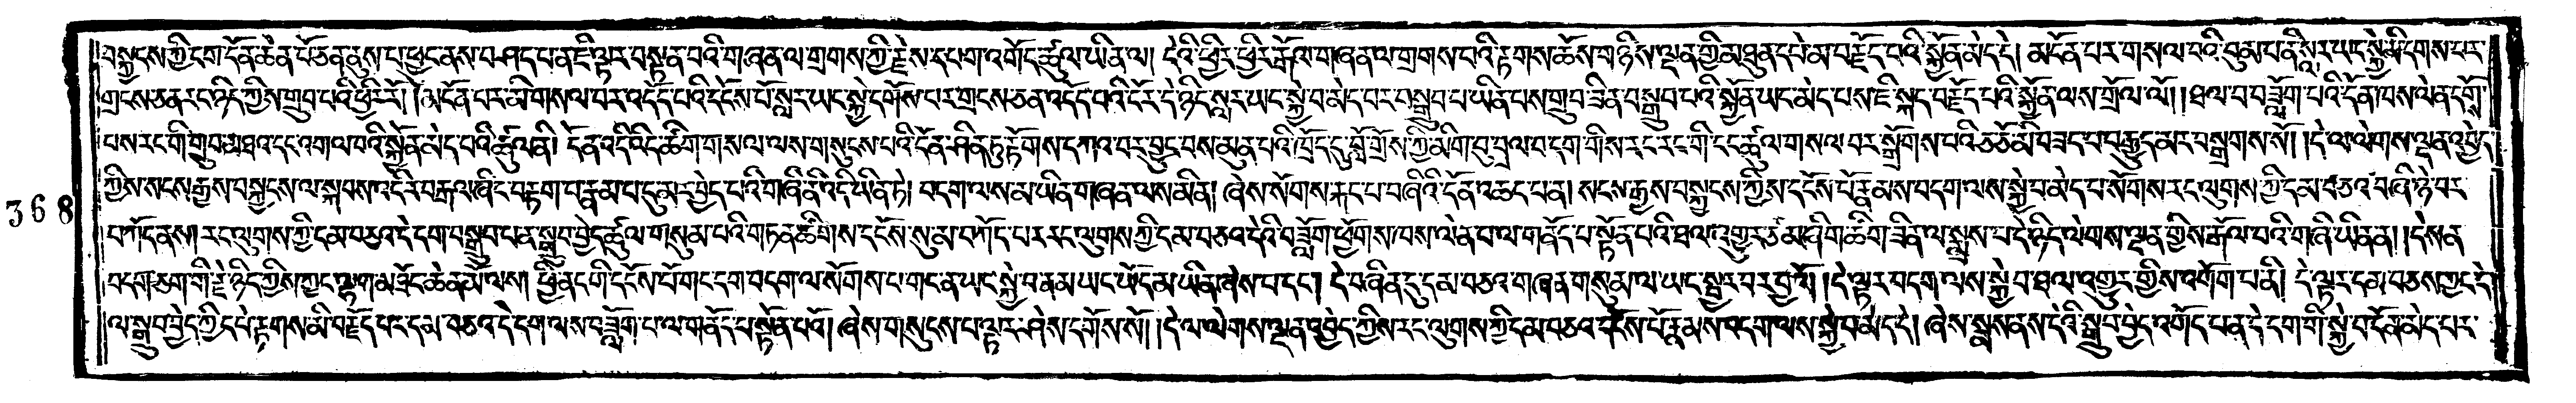བསྐྱངས་ཀྱི་ངག་དོན་ཆེན་པོ་ཅན་ནུས་པ་ཕྱང་ནས་བཤད་པ་ན་ཇི་ལྟར་བསྟན་པའི་གཞན་ལ་གྲགས་ཀྱི་རྗེས་དཔག་འགོད་ཚུལ་ཡིན་ལ། དེའི་ཕྱིར་ཕྱིར་རྒོལ་གཞན་ལ་གྲགས་པའི་རྟགས་ཆོས་གཉིས་ལྡན་གྱི་མཐུན་དཔེ་མ་བརྗོད་པའི་སྐྱོན་མེད་དེ། མངོན་པར་གསལ་བའི་བུམ་པ་ནི་སླར་ཡང་སྐྱེ་མི་དགས་པར་
གྲངས་ཅན་རང་ཉིད་ཀྱིས་གྲུབ་པའི་ཕྱིར་རོ། །མངོན་པར་མི་གསལ་བར་འདོད་པའི་དངོས་པོ་སླར་ཡང་སྐྱེ་དགོས་པར་གྲངས་ཅན་འདེད་པའི་ངོར་དེ་ཉིད་སླར་ཡང་སྐྱེ་བ་མེད་པར་བསྒྲུབ་པ་ཡིན་པས་གྲུབ་ཟིན་བསྒྲུབ་པའི་སྐྱོན་ཡང་མེད་པས་ཇི་སྐད་བརྗོད་པའི་སྐྱོན་ལས་གྲོལ་ལོ། །ཐལ་བ་བཟློག་པའི་དོན་ཁས་ལེན་དགོས་
པས་རང་གི་གྲུབ་མཐའ་དང་འགལ་བའི་སྐྱོན་མེད་པའི་ཚུལ་ནི། དོན་འདི་འདི་ཚིག་གསལ་ལས་གསུངས་པའི་དོན་ཤིན་ཏུ་རྟོགས་དཀའ་བར་བྱུང་བས་མུན་པའི་ཁྲོད་དུ་བློ་གྲོས་ཀྱི་མིག་བུ་བྲལ་བདག་གིས་རང་རང་གི་ངང་ཚུལ་གསལ་བར་སྒྲོགས་པའི་ཅ་ཅོ་མི་བཟད་པ་བརྒྱུད་མར་བསྒྲགས་སོ། །དེ་ལ་ལེགས་ལྡན་འབྱེད་
ཀྱིས་སངས་རྒྱས་བསྐྱངས་ལ་སྐབས་འདིར་བརྒལ་ཞིང་བརྟག་བ་རྣམ་པ་དུ་མར་བྱེད་པའི་གཞི་ནི་འདི་ཡིན་ཏེ། བདག་ལས་མ་ཡིན་གཞན་ལས་མིན། ཞེས་སོགས་རྐང་པ་བཞིའི་དོན་འཆད་པ་ན། སངས་རྒྱས་བསྐྱངས་ཀྱིས་དངོས་པོ་རྣམས་བདག་ལས་སྐྱེ་བ་མེད་པ་སོགས་རང་ལུགས་ཀྱི་དམ་བཅའ་བཞི་ཉེ་བར་
བཀོད་ནས། རང་ལུགས་ཀྱི་དམ་བཅའ་དེ་དག་བསྒྲུབ་པ་ན་སྒྲུབ་བྱེད་ཚུལ་གསུམ་པའི་གཏན་ཚིགས་དངོས་སུ་མ་བཀོད་པར་རང་ལུགས་ཀྱི་དམ་བཅའ་དེའི་བཟློག་ཕྱོགས་ཁས་ལེན་པ་ལ་གནོད་པ་སྟོན་པའི་ཐལ་འགྱུར་ཙམ་ཞིག་ཚིག་ཟིན་ལ་སྨྲས་པ་དེ་ཉིད་ལེགས་ལྡན་གྱིས་རྒོལ་བའི་གཞི་ཡིན་ན། །དེས་ན་
བདག་ཅག་གི་རྗེ་ཉིད་ཀྱིས་ཀྱང་ལྷག་མཐོང་ཆེན་མོ་ལས། ཕྱི་ནང་གི་དངོས་པོ་གང་དག་བདག་ལ་སོགས་པ་གང་ན་ཡང་སྐྱེ་བ་ནམ་ཡང་ཡོད་མ་ཡིན་ཞེས་པ་དང་། དེ་བཞིན་དུ་དམ་བཅའ་གཞན་གསུམ་ལ་ཡང་སྦྱར་བར་བྱའོ། །དེ་ལྟར་བདག་ལས་སྐྱེ་བ་ཐལ་འགྱུར་གྱིས་འགོག་པ་ནི། དེ་ལྟར་དན་བཅས་ཀྱང་དེ་
ལ་སྒྲུབ་བྱེད་ཀྱི་དཔེ་?་རྟགས་མི་བརྗོད་པར་དམ་བཅའ་དེ་དག་ལས་བཟློག་པ་ལ་གནོད་པ་སྟོན་པའོ། ཞེས་གསུངས་པ་ལྟར་ཤེས་དགོས་སོ། །དེ་ལ་ལེགས་ལྡན་འབྱེད་ཀྱིས་རང་ལུགས་ཀྱི་དམ་བཅའ་དངོས་པོ་རྣམས་བདག་ལས་སྐྱེ་བ་མེད་དེ། ཞེས་སྨྲས་ནས་དེའི་སྒྲུབ་བྱེད་འགོད་པ་ན་དེ་དག་གི་སྐྱེ་བ་དོན་མེད་པར་